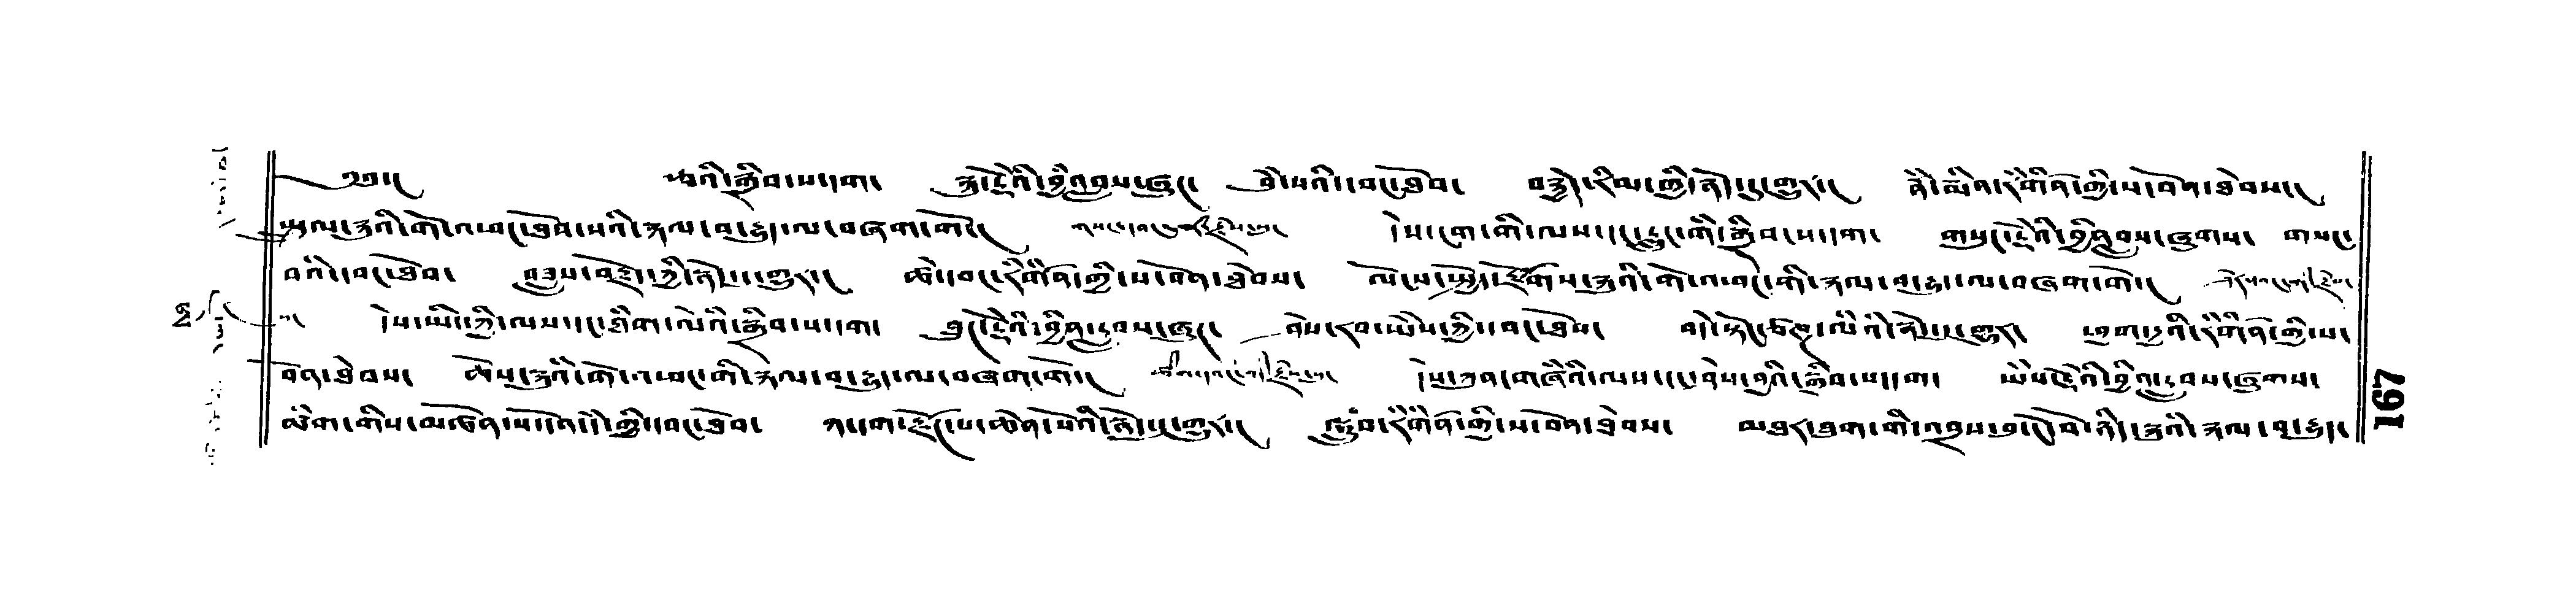རྩའི་སྒྲིབ་པ་དག སྐུ་རྡོ་རྗེའི་བྱིན་རླབས་ཞུགས། བུམ་པའི་དབང་ཐོབ། བསྐྱེད་རིམ་གྱི་སྣོད་དུ་གྱུར།རྣམ་སྨིན་རིག་འཛིན་གྱི་ས་བོན་ཐེབས། 
སྤྲུལ་སྐུའི་གོ་འཕང་ཐོབ་པའི་སྐལ་བ་རྒྱུད་ལ་བཞག་གོ གསང་དབང་གི་རྗེས་སུ། དེས་ངག་གི་ལས་དང་རླུང་གི་སྒྲིབ་པ་དག གསུང་རྡོ་རྗེའི་བྱིན་རླབས་ཞུགས། གསང་
བའི་དབང་ཐོབ། བཟླས་བརྗོད་ཀྱི་སྣོད་དུ་གྱུར། ཚེ་དབང་རིག་འཛིན་གྱི་ས་བོན་ཐེབས། ལོངས་སྤྱོད་རྫོགས་སྐུའི་གོ་འཕང་གི་སྐལ་བ་རྒྱུད་ལ་བཞག་གོ ཤེས་རབ་དབང་གི་རྗེས་
སུ། དེས་ཡིད་ཀྱི་ལས་དང་ཐིག་ལེའི་སྒྲིབ་པ་དག ཐུགས་རྡོ་རྗེའི་བྱིན་རླབས་ཞུགས། ཤེས་རབ་ཡེ་ཤེས་ཀྱི་དབང་ཐོབ། བདེ་སྟོང་ཙཎྜ་ལིའི་སྣོད་དུ་གྱུར། ཕྱག་རྒྱའི་རིག་འཛིན་གྱི་ས་
བོན་ཐེབས། ཆོས་སྐུའི་གོ་འཕང་གི་སྐལ་བ་རྒྱུད་ལ་བཞག་གོ ཚིག་དབང་གི་རྗེས་སུ། དེས་ཀུན་གཞིའི་ལས་དང་ཤེས་བྱའི་སྒྲིབ་པ་དག ཡེ་ཤེས་རྡོ་རྗེའི་བྱིན་རླབས་ཞུགས། 
ཚིག་གིས་མཚོན་པ་དོན་དམ་གྱི་དབང་ཐོབ། ཀ་དག་རྫོགས་པ་ཆེན་པོའི་སྣོད་དུ་གྱུར། ལྷུན་གྲུབ་རིག་འཛིན་གྱི་ས་བོན་ཐེབས། མཐར་ཐུག་གི་འབྲས་བུ་ངོ་བོ་ཉིད་སྐུའི་སྐལ་བ་རྒྱུད་